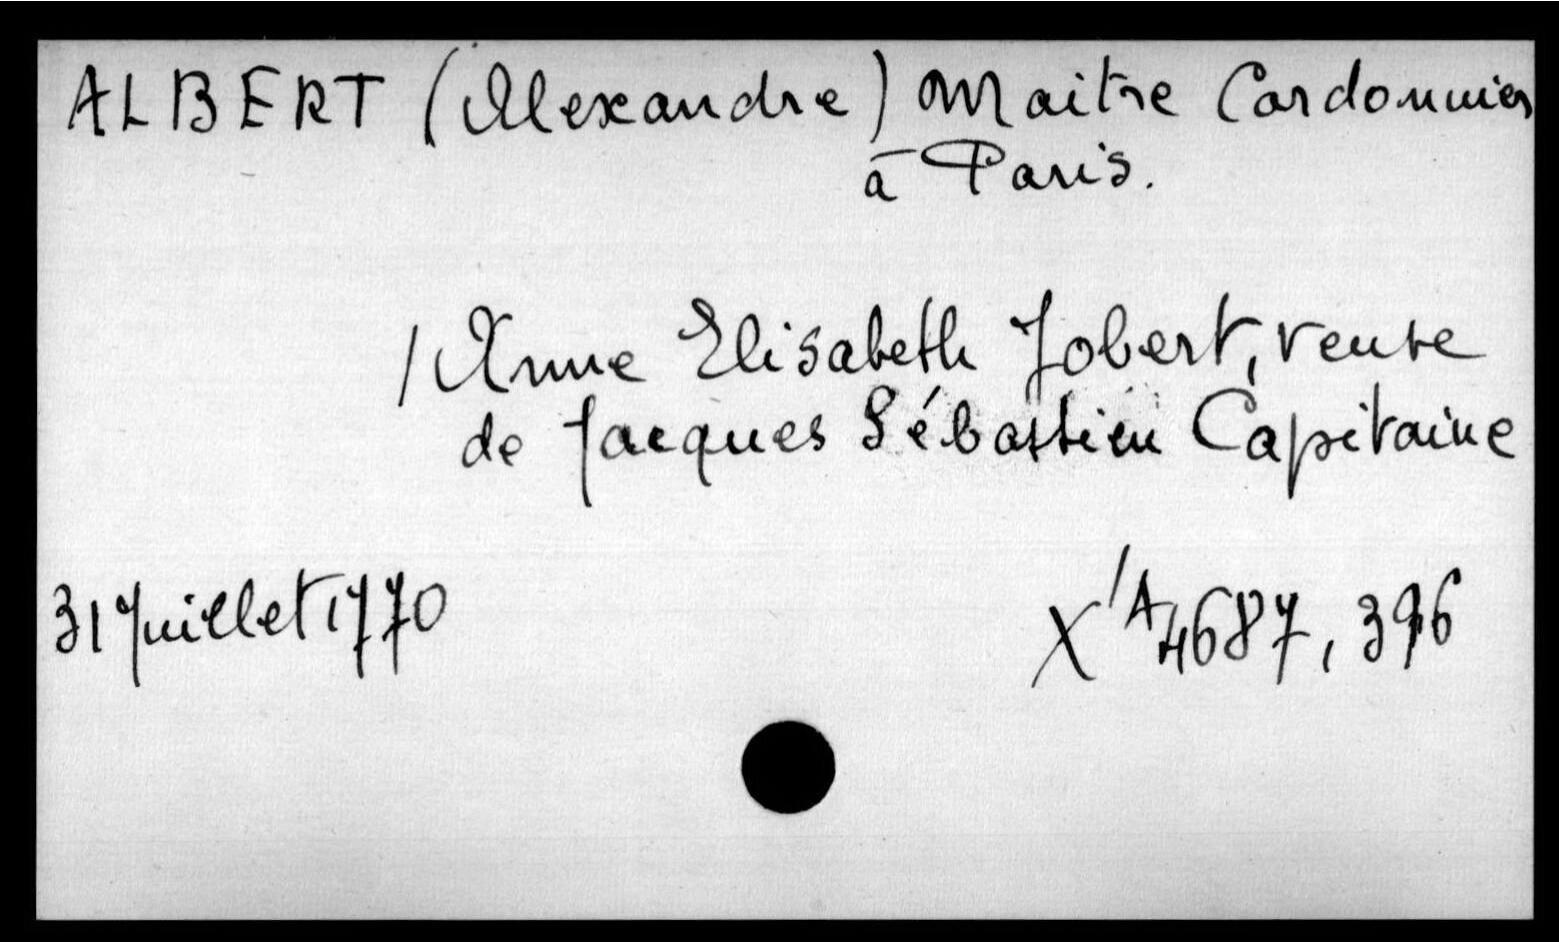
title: ALBERT (Alexandre) Maître Cordonnier à Paris.
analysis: Contre Anne Elisabeth Jobert, veuve de Jacques Sébastien Capitaine
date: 31 juillet 1770
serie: X1A
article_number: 4687
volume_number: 396
